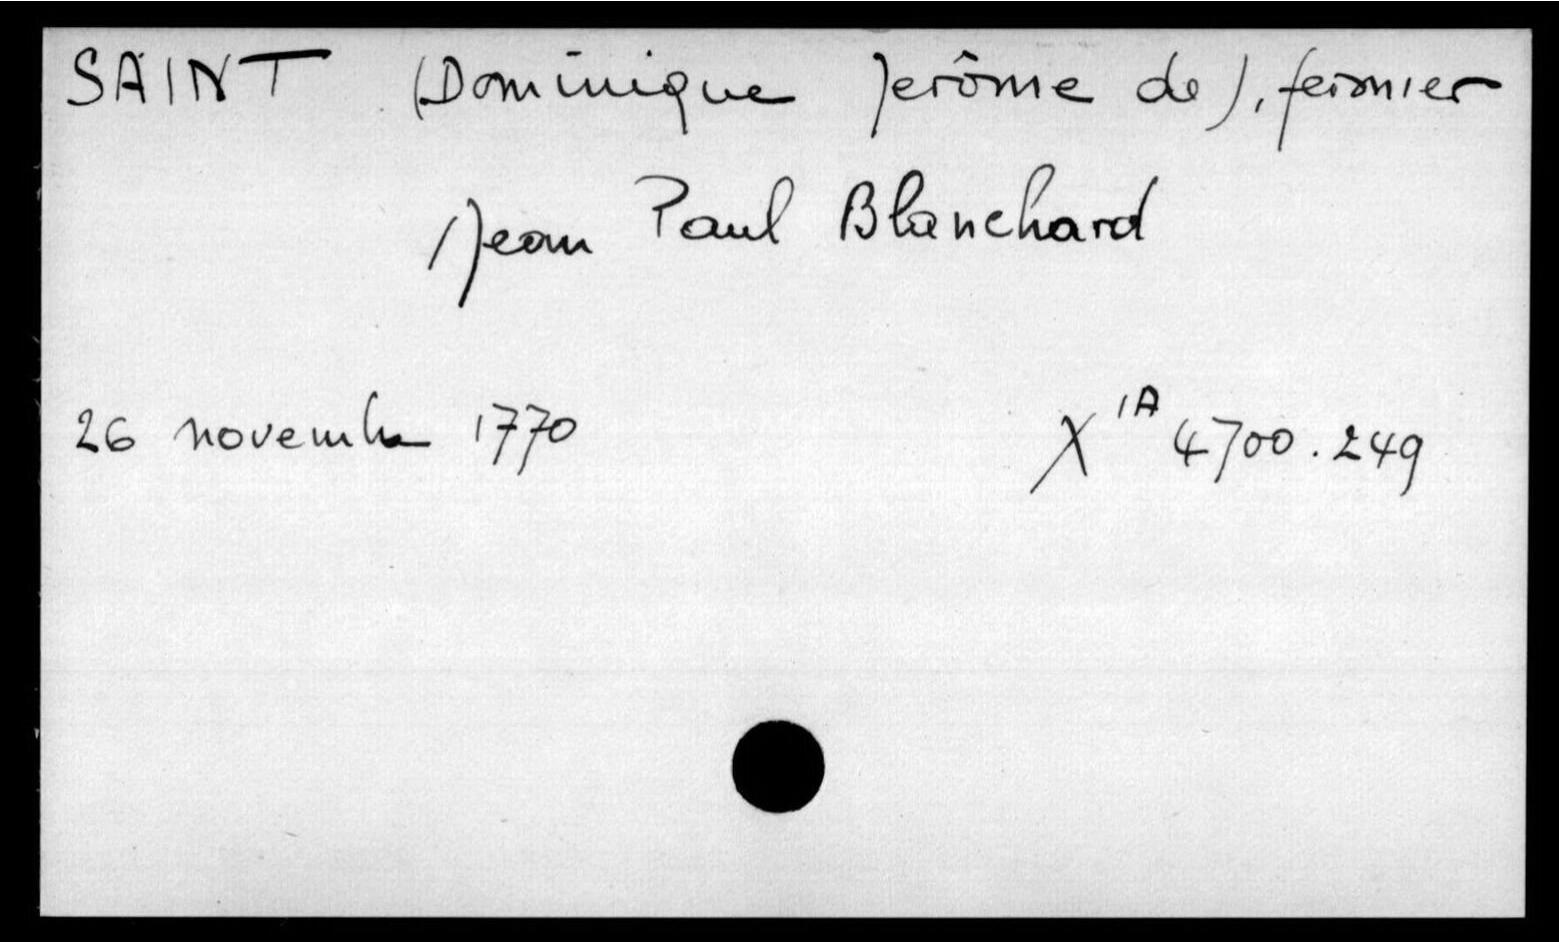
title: SAINT (Dominique Jerôme de), fermier
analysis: Contre Jean Paul Blanchard
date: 26 novembre 1770
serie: X1A
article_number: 4700
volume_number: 249
